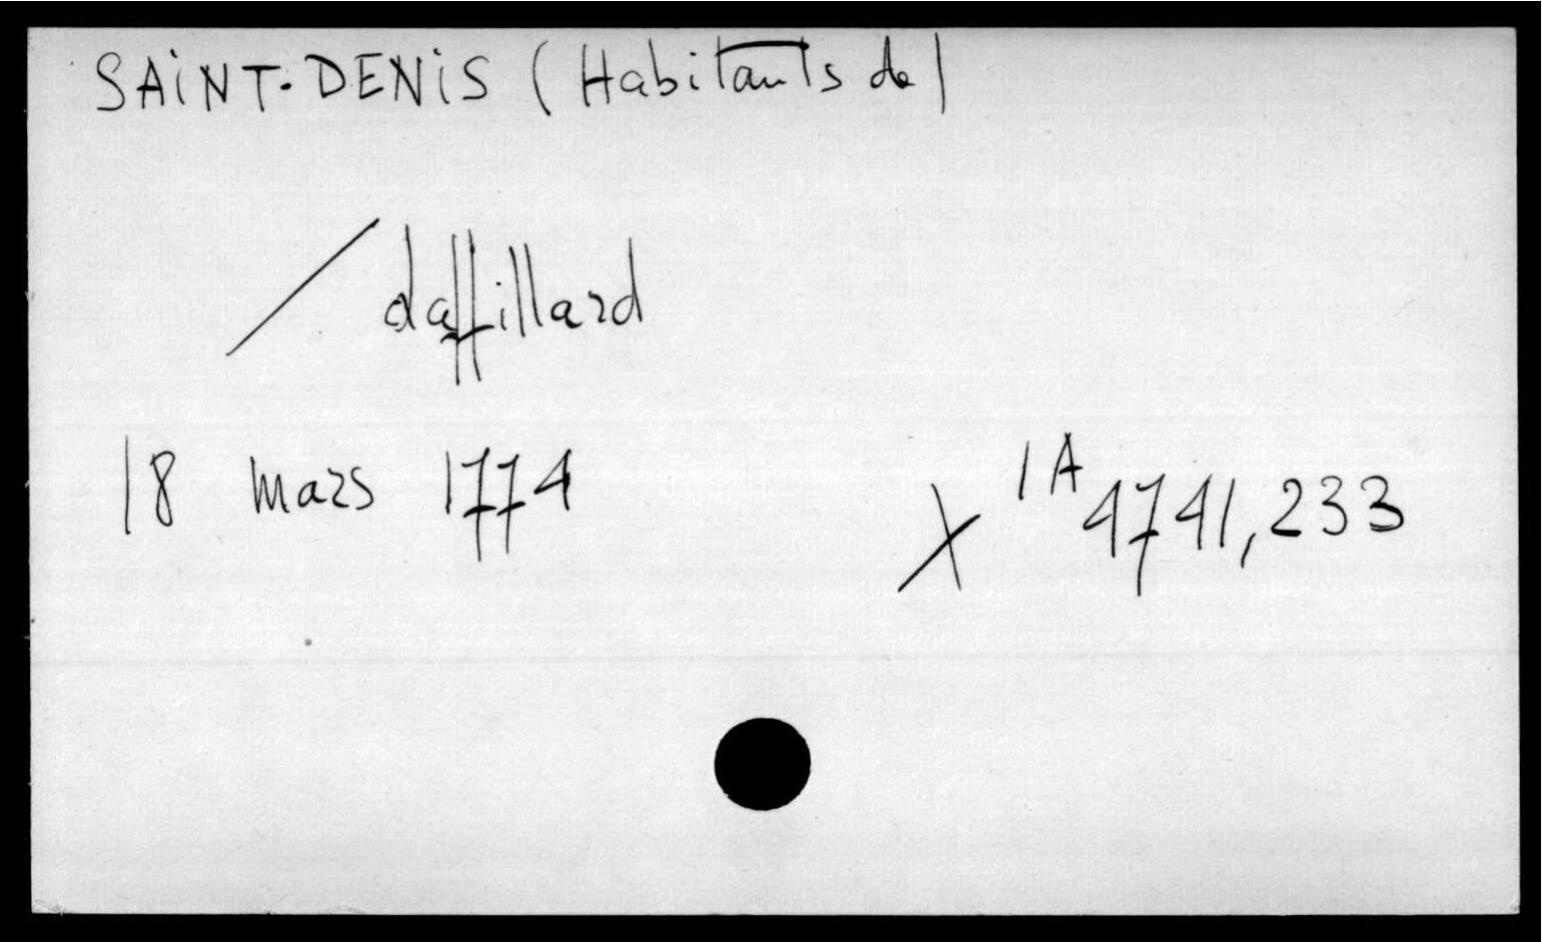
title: SAINT-DENIS (Habitants de)
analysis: Contre daffillard
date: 18 mars 1774
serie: X1A
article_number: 4741
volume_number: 233
